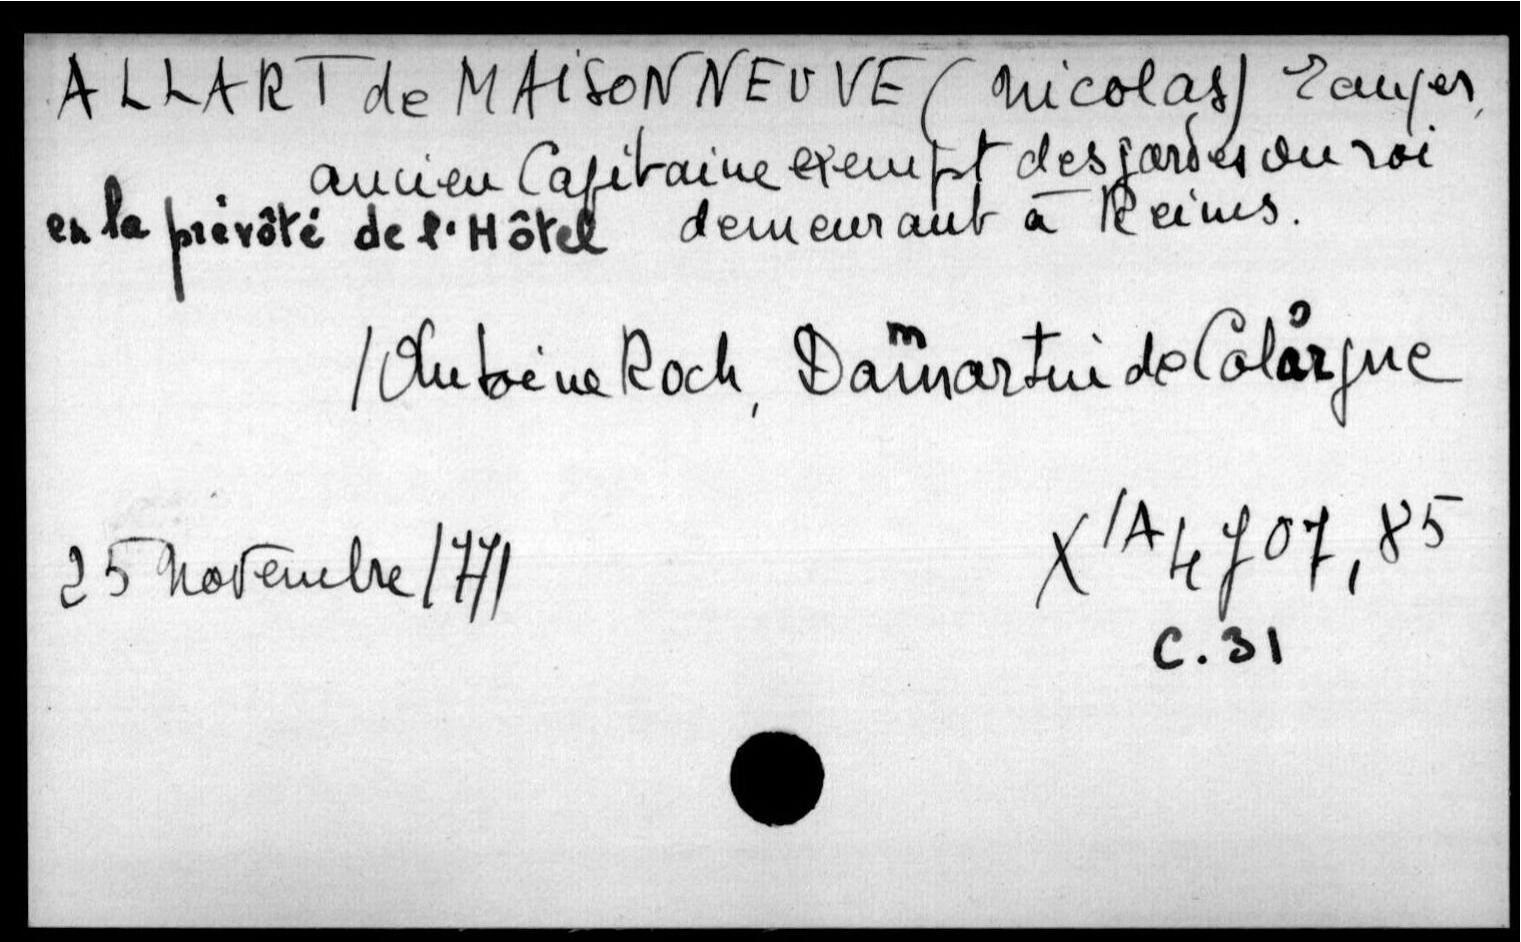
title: ALLART de MAISONNEUVE (Nicolas) Ecuyer ancien Capitaine exempt des gardes du roi en la prévôté de l'Hôtel demeurant à Reims.
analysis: Contre Aubène Roch, Dammartui de Colargne
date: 25 novembre 1771
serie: X1A
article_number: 4707
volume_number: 85 Conseil, 31
